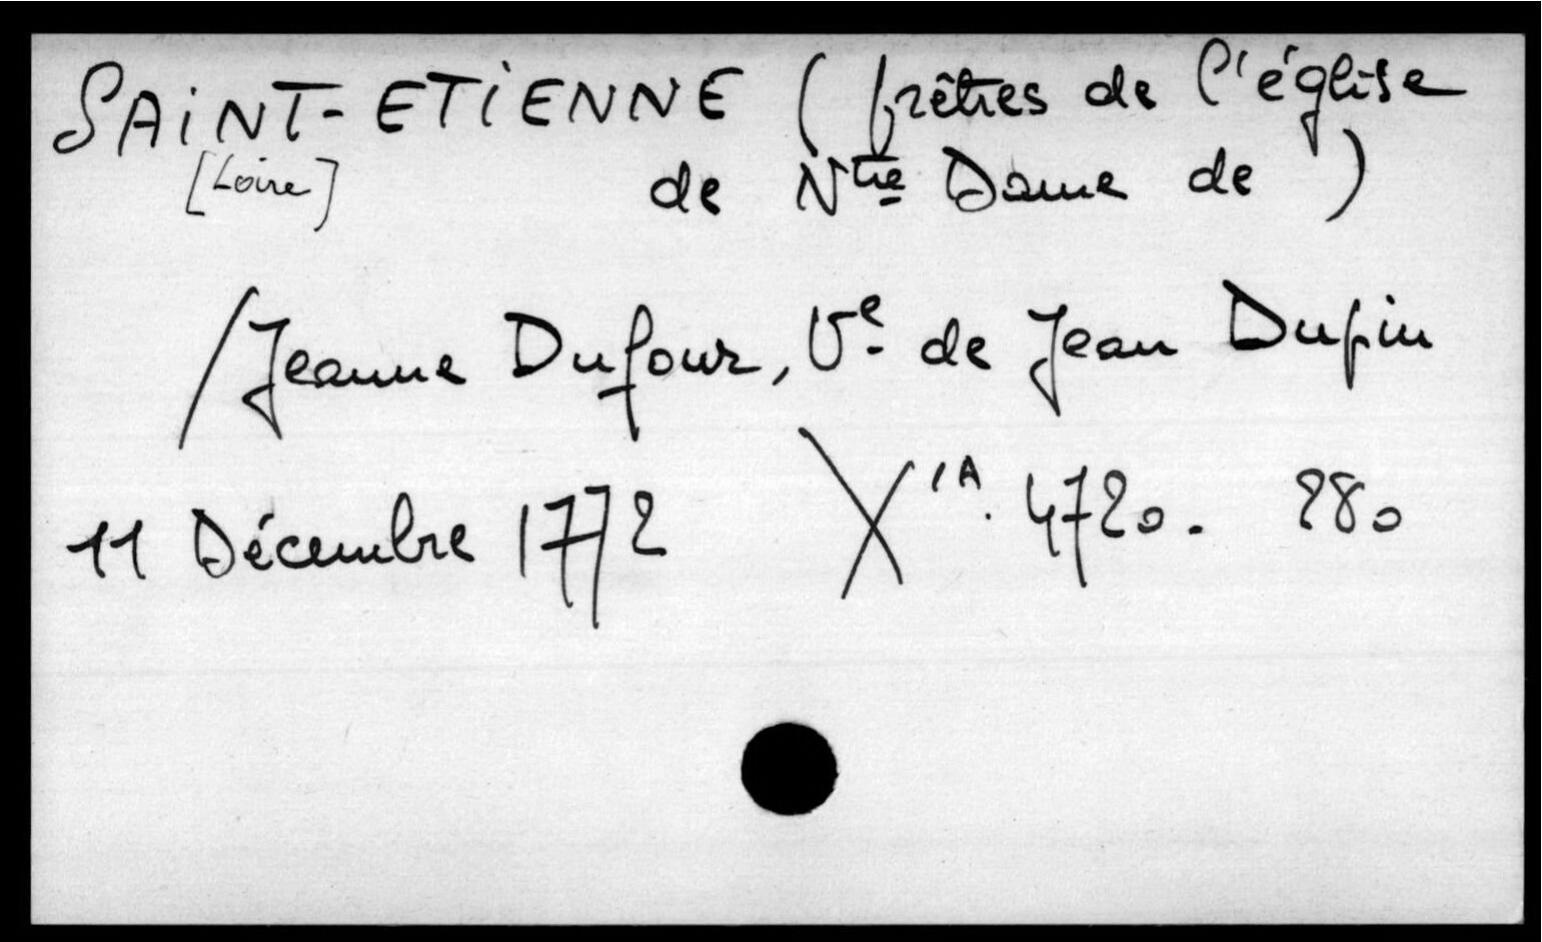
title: SAINT-ÉTIENNE (Prêtres de l'église de Notre-Dame de) [Loire]
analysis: Contre Jeanne Dufour, veuve de Jean Dupin
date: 11 décembre 1772
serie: X1A
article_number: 4720
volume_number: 280
